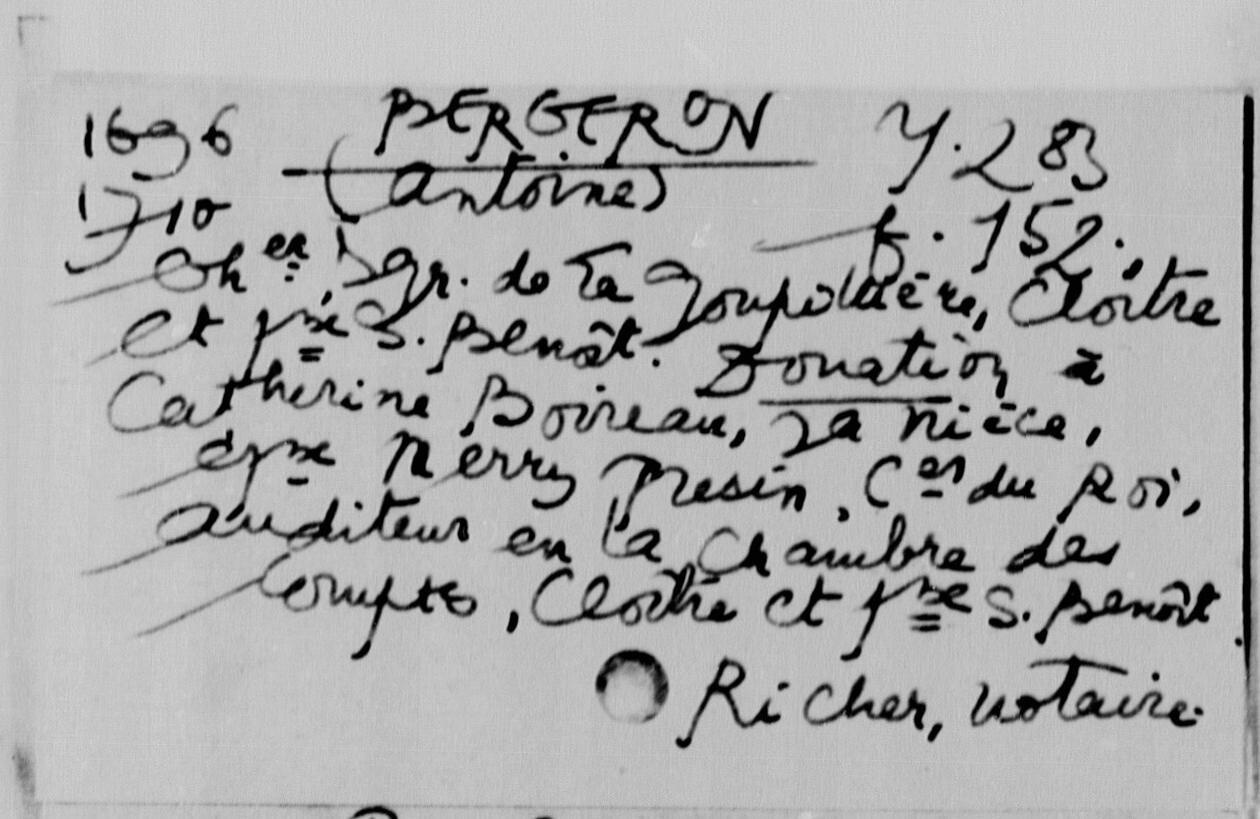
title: BERGERON (Antoine)
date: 1696-1710
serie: Y
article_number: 283
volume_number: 152
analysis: Chevalier seigneur de la Goupillière, cloître et paroisse Saint-Benoît. Donation à Catherine Boireau, sa nièce, épouse Merry Messin, Conseiller du Roi, auditeur en la Chambre des comptes, Cloître et paroisse Saint-Benoit Richer, notaire
